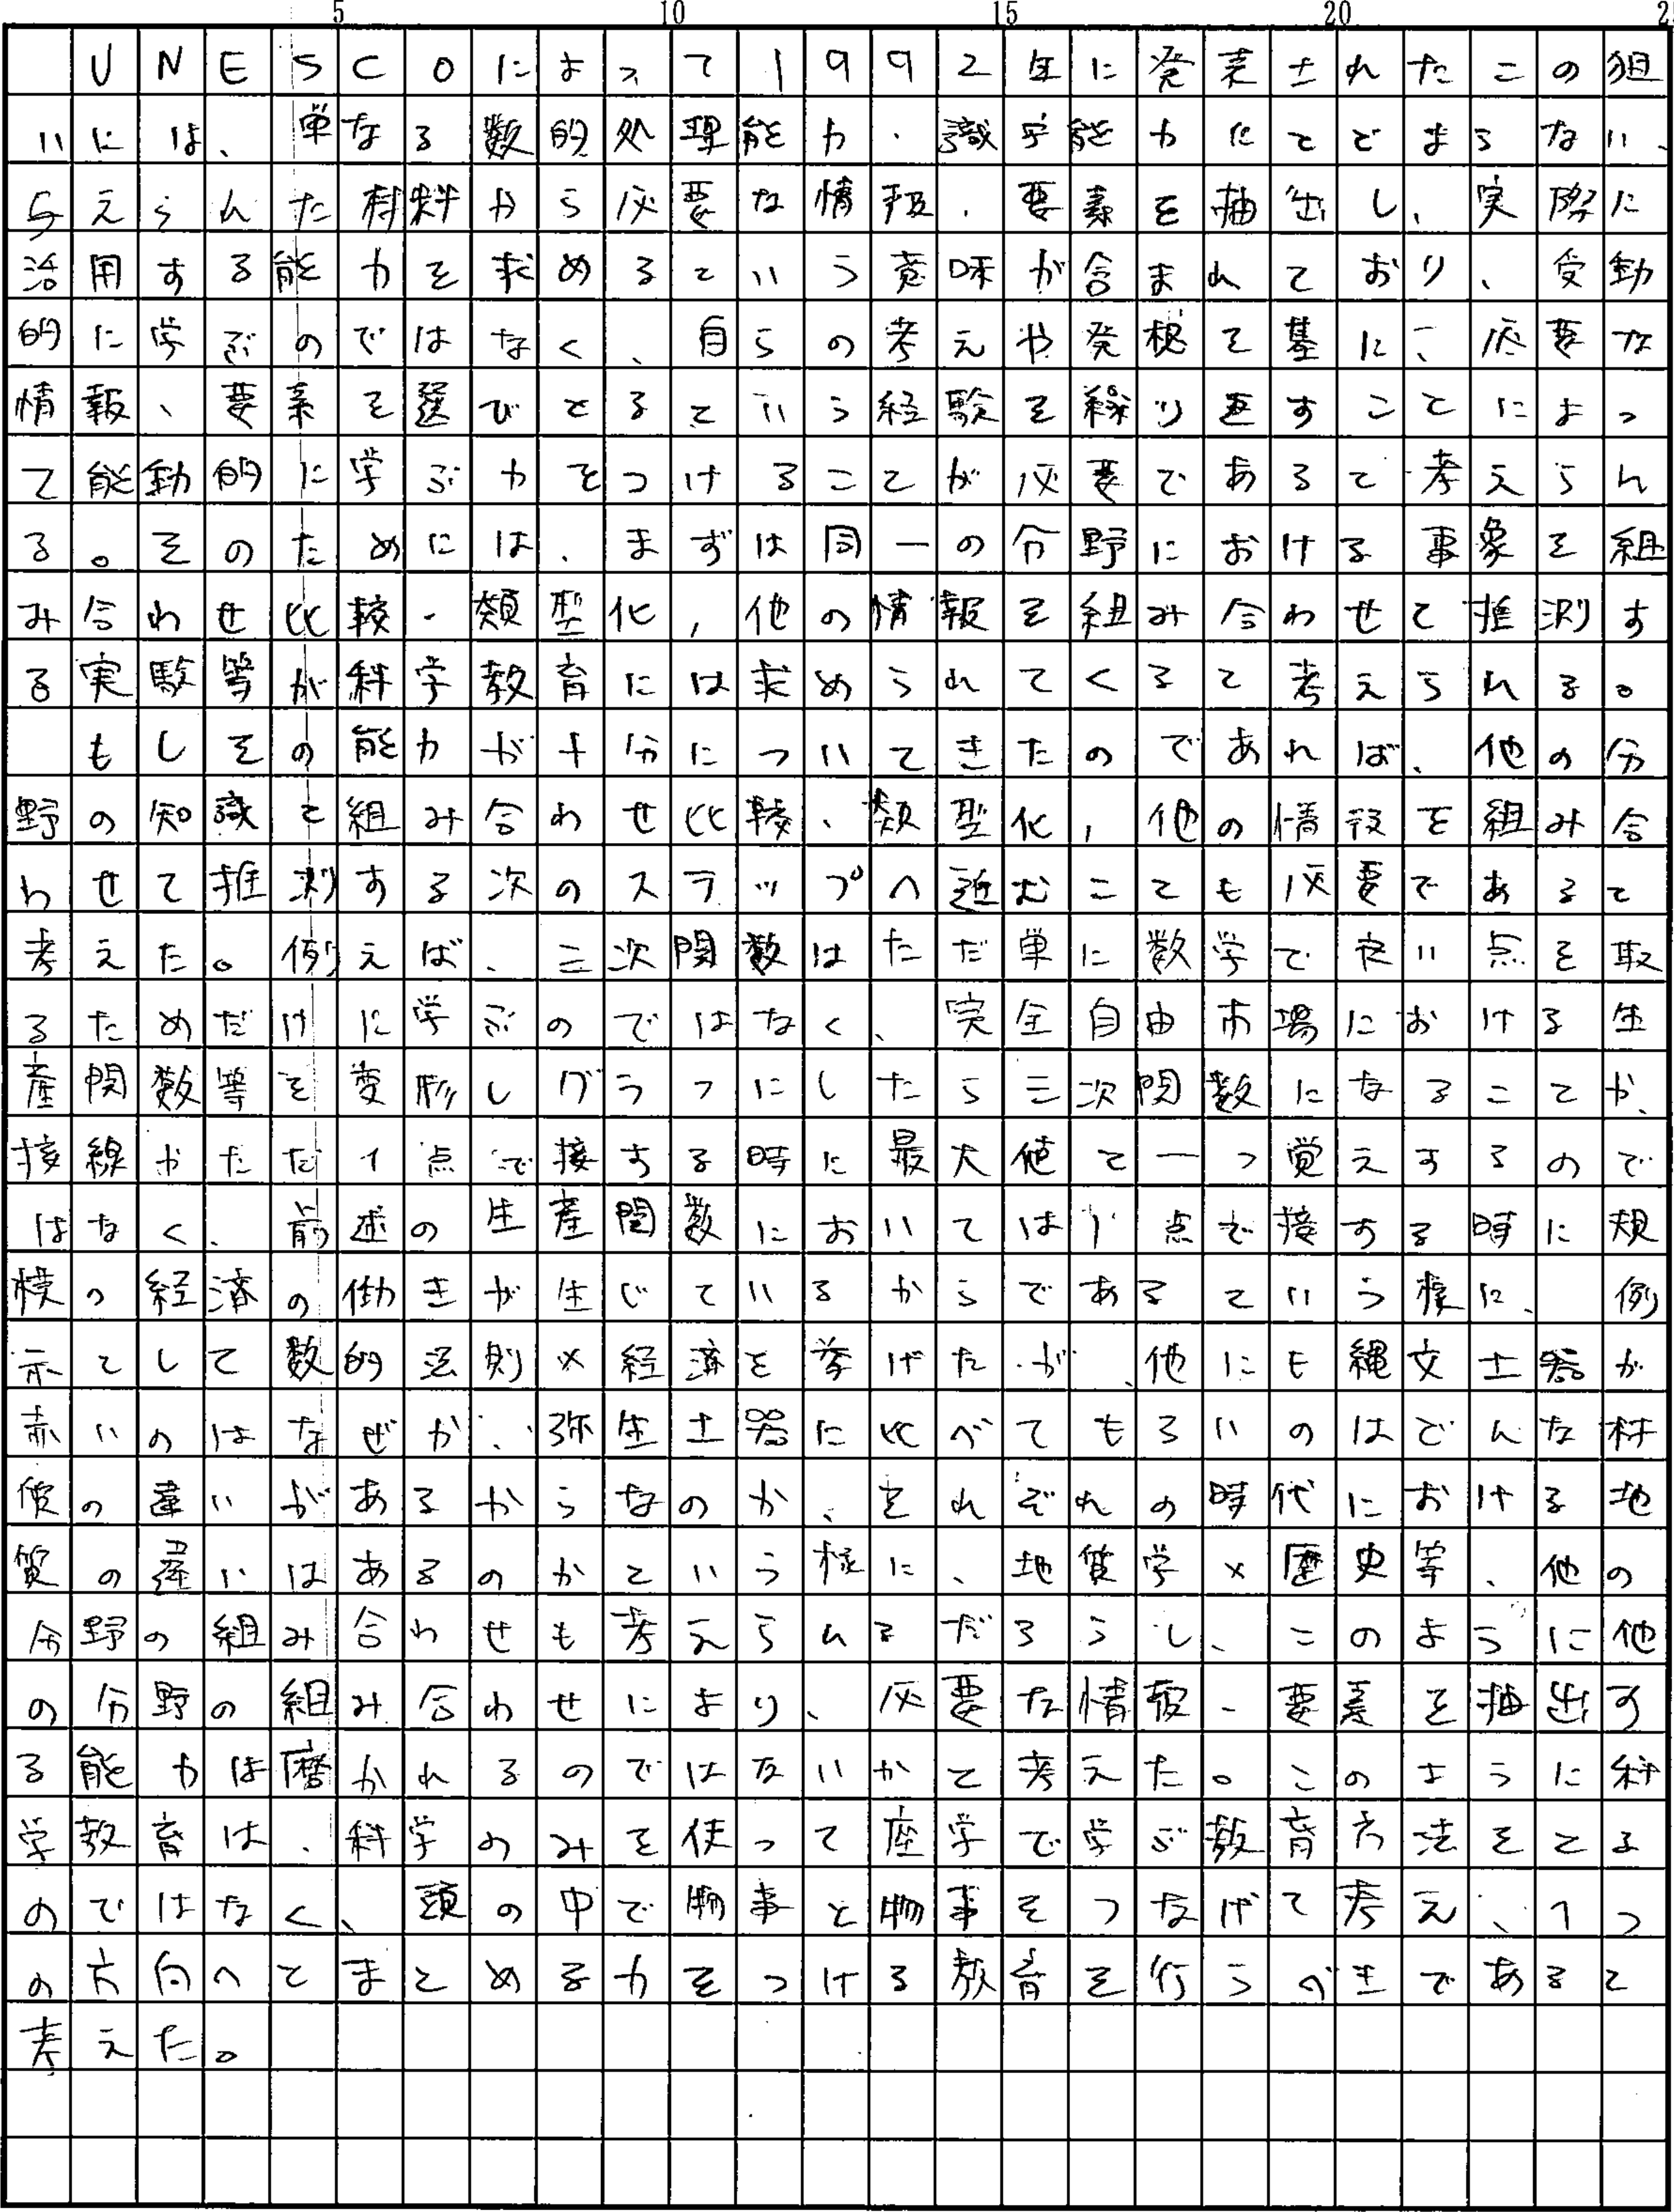　ＵＮＥＳＣＯによって１９９２年に発表されたこの狙いには、単なる数的処理能力・識字能力にとどまらない、与えられた材▁から必要な情報・要素を抽出し、実際に活用する能力を求めるという意味が含まれており、受動的に学ぶのではなく、自らの考えや発想を基に、必要な情報・要素を選びとるという経験を繰り返すことによって能動的に学ぶ力をつけることが必要であると考えられる。そのためには、まずは同一の分野における事象を組み合わせ比較・類型化、他の情報を組み合わせて推測する実験等が科学教育には求められてくると考えられる。
　もしその能力が十分についてきたのであれば、他の分野の知識と組み合わせ比較・類型化、他の情報を組み合わせて推測する次のステップへ進むことも必要であると考えた。例えば、三次関数はただ単に数学で良い点を取るためだけに学ぶのではなく、完全自由市場における生産関数等を変形しグラフにしたら三次関数になることや、接線やただ１点で接する時に最大値と一つ覚えするのではなく、前述の生産関数においては１点で接する時に規模の経済の働きが生じているからであるという様に、例示として数的法則×経済を挙げたが、他にも縄文土器が赤いのはなぜか、弥生土器に比べてもろいのはどんな材質の違いがあるからなのか、それぞれの時代における地質の違いはあるのかという様に、地質学×歴史等、他の分野の組み合わせも考えられるだろうし、このように他の分野の組み合わせにより、必要な情報・要素を抽出する能力は磨かれるのではないかと考えた。このように科学教育は、科学のみを使って座学で学ぶ教育方法をとるのではなく、頭の中で物事と物事をつなげて考え、１つの方向へとまとめる力をつける教育を行うべきであると考えた。
